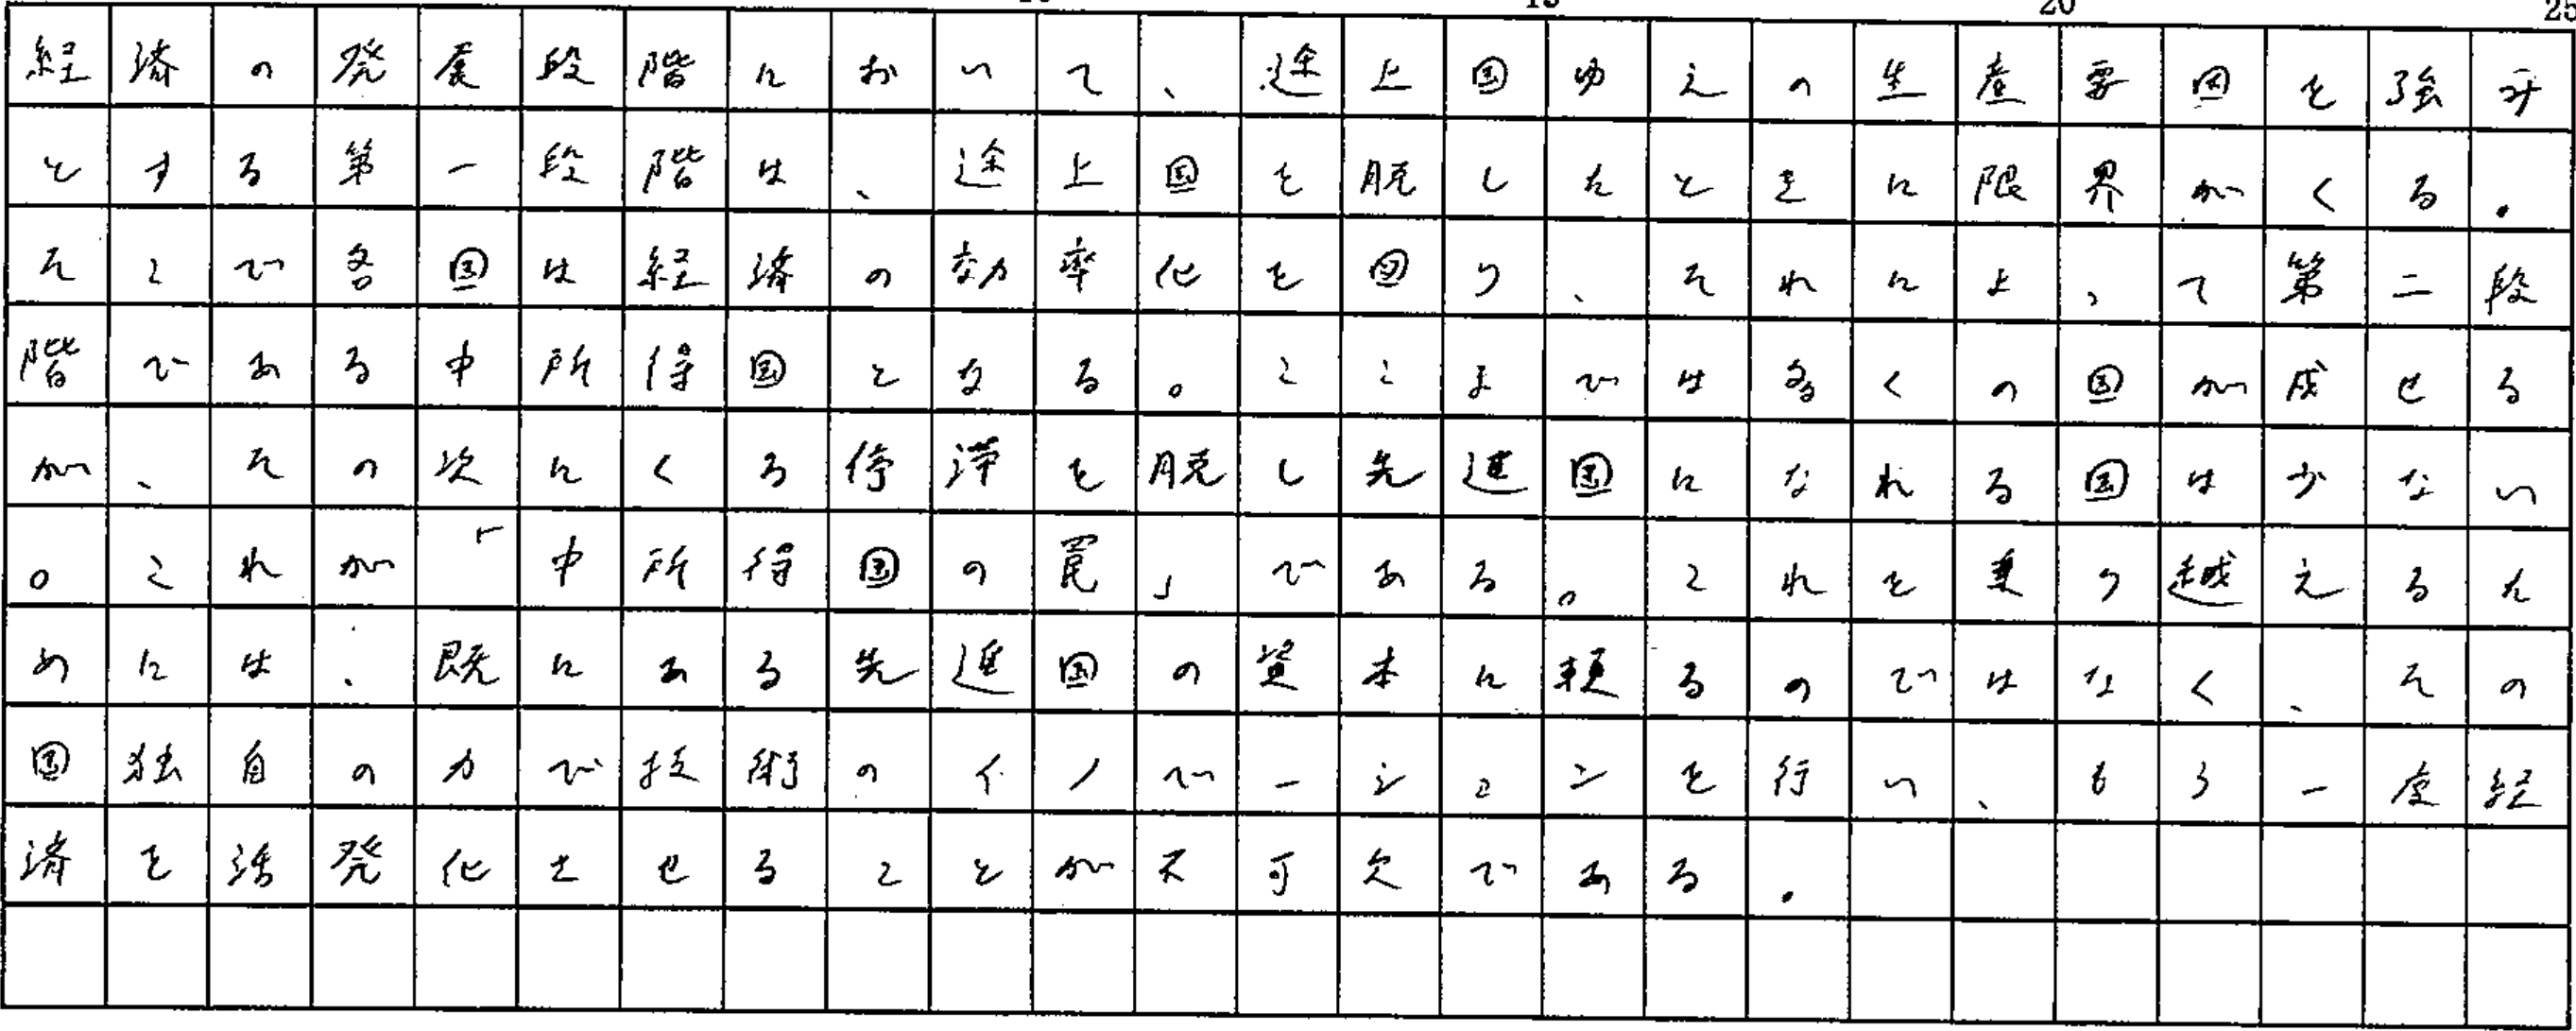経済の発展段階において、途上国ゆえの生産要因を強みとする第一段階は、途上国を脱したときに限界がくる。そこで各国は経済の効率化を図り、それによって第二段階である中所得国となる。ここまでは多くの国が成せるが、その次にくる停滞を脱し先進国になれる国は少ない。これが「中所得国の罠」である。これを乗り越えるためには、既にある先進国の資本に頼るのではなく、その国独自の力で技術のイノベーションを行い、もう一度経済を活発化させることが不可欠である。
